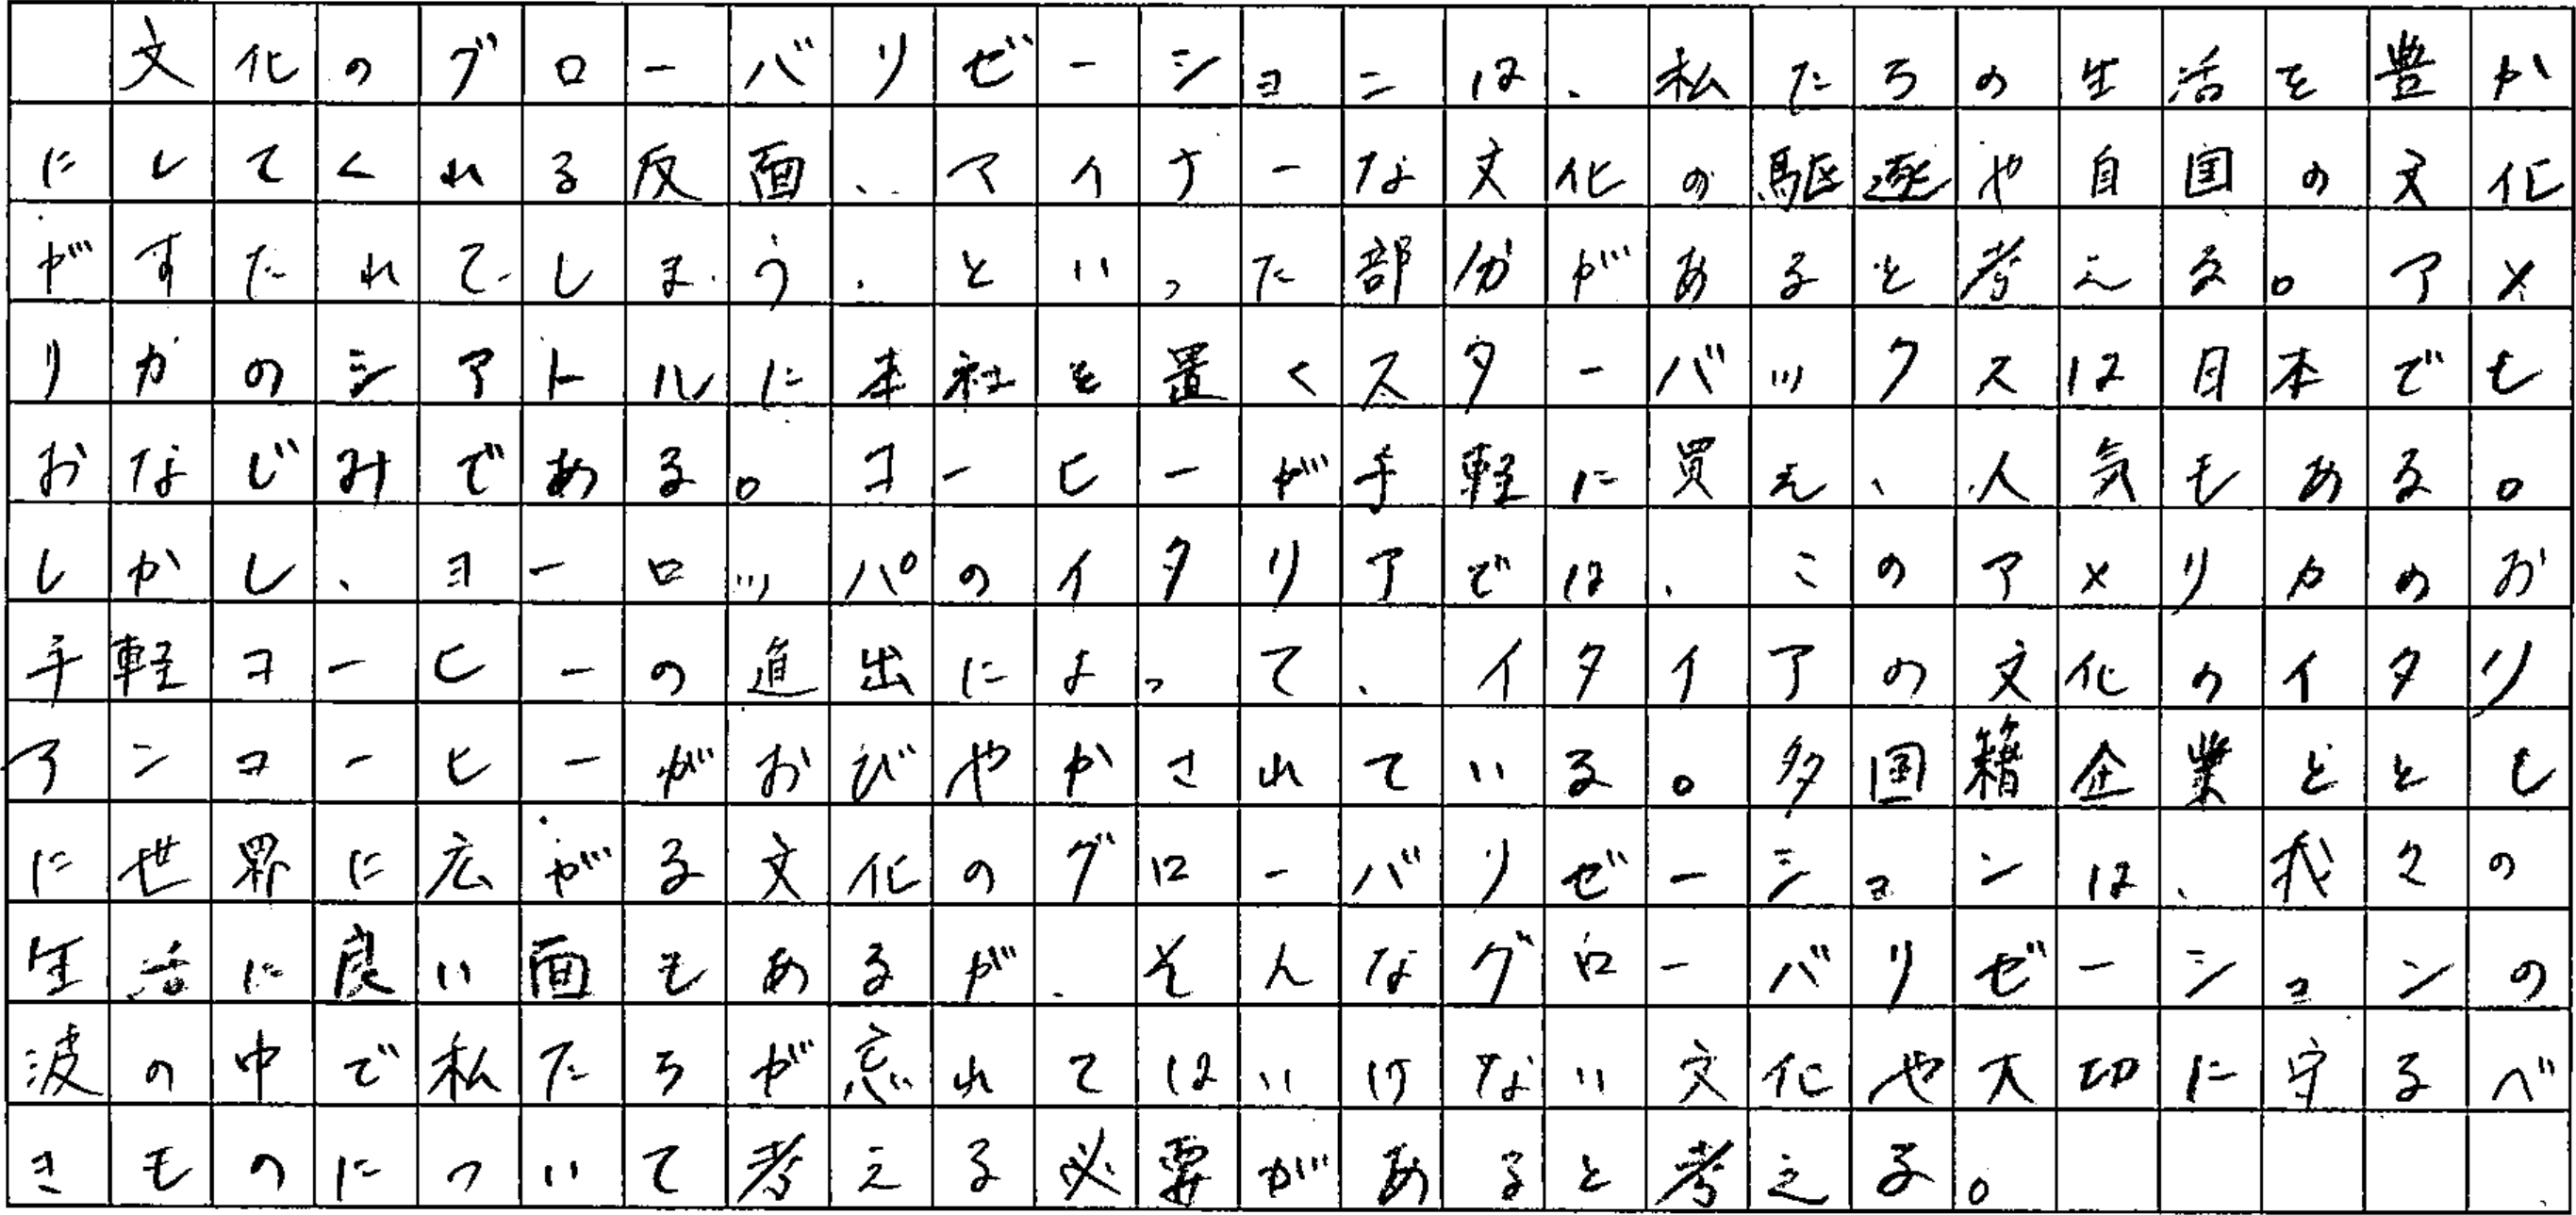　文化のグローバリゼーションは、私たちの生活を豊かにしてくれる反面、マイナーな文化の駆逐や自国の文化がすたれてしまう、といった部分があると考える。アメリカのシアトルに本社を置くスターバックスは日本でもおなじみである。コーヒーが手軽に買え、人気もある。しかし、ヨーロッパのイタリアでは、このアメリカのお手軽コーヒーの進出によってイタイアの文化のイタリアンコーヒーがおびやかされている。多国籍企業とともに世界に広がる文化のグローバリゼーションは、我々の生活に良い面もあるが、そんなグローバリゼーションの波の中で私たちが忘れてはいけない文化や大切に守るべきものについて考える必要があると考える。
